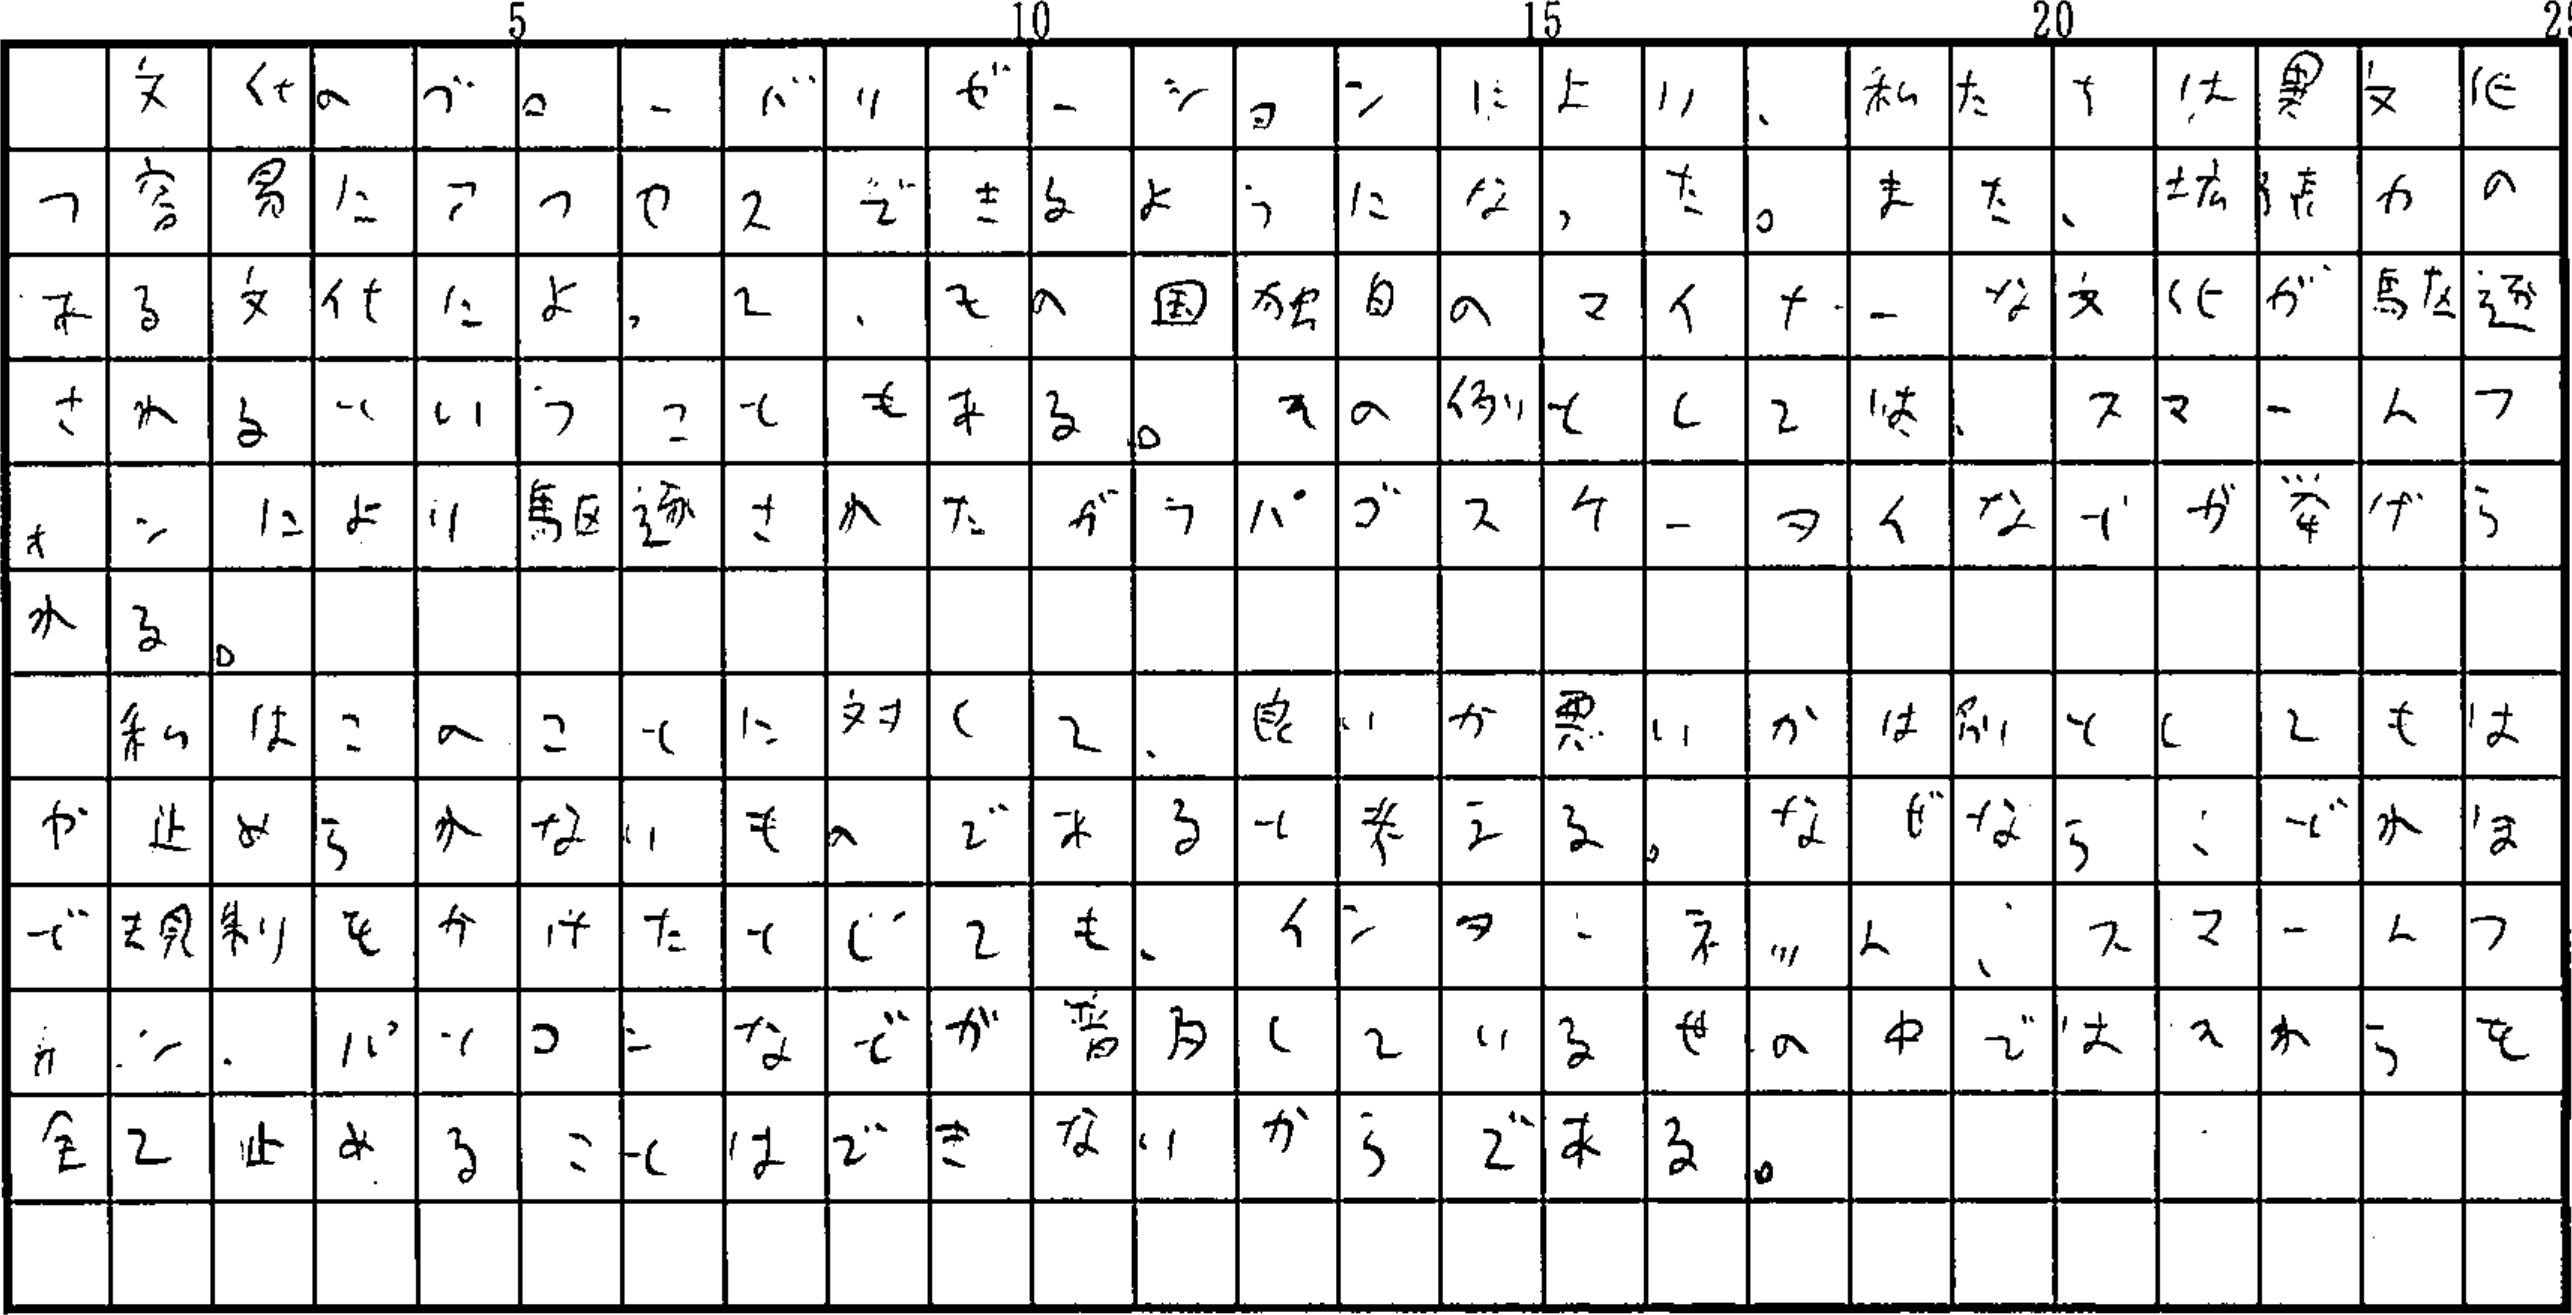　文化のグローバリゼーションにより、私たちは異文化へ容易にアクセスできるようになった。また、▁張力のある文化によって、その国独自のマイナーな文化が駆逐されるということもある。その例としては、スマートフォンにより駆逐されたガラパゴスケータイなどが挙げられる。
　私はこのことに対して、良いか悪いかは別としてもはや止められないものであると考える。なぜなら、どれほど規制をかけたとしても、インターネット、スマートフォン、パソコンなどが普及している世の中ではそれらを全て止めることはできないからである。
